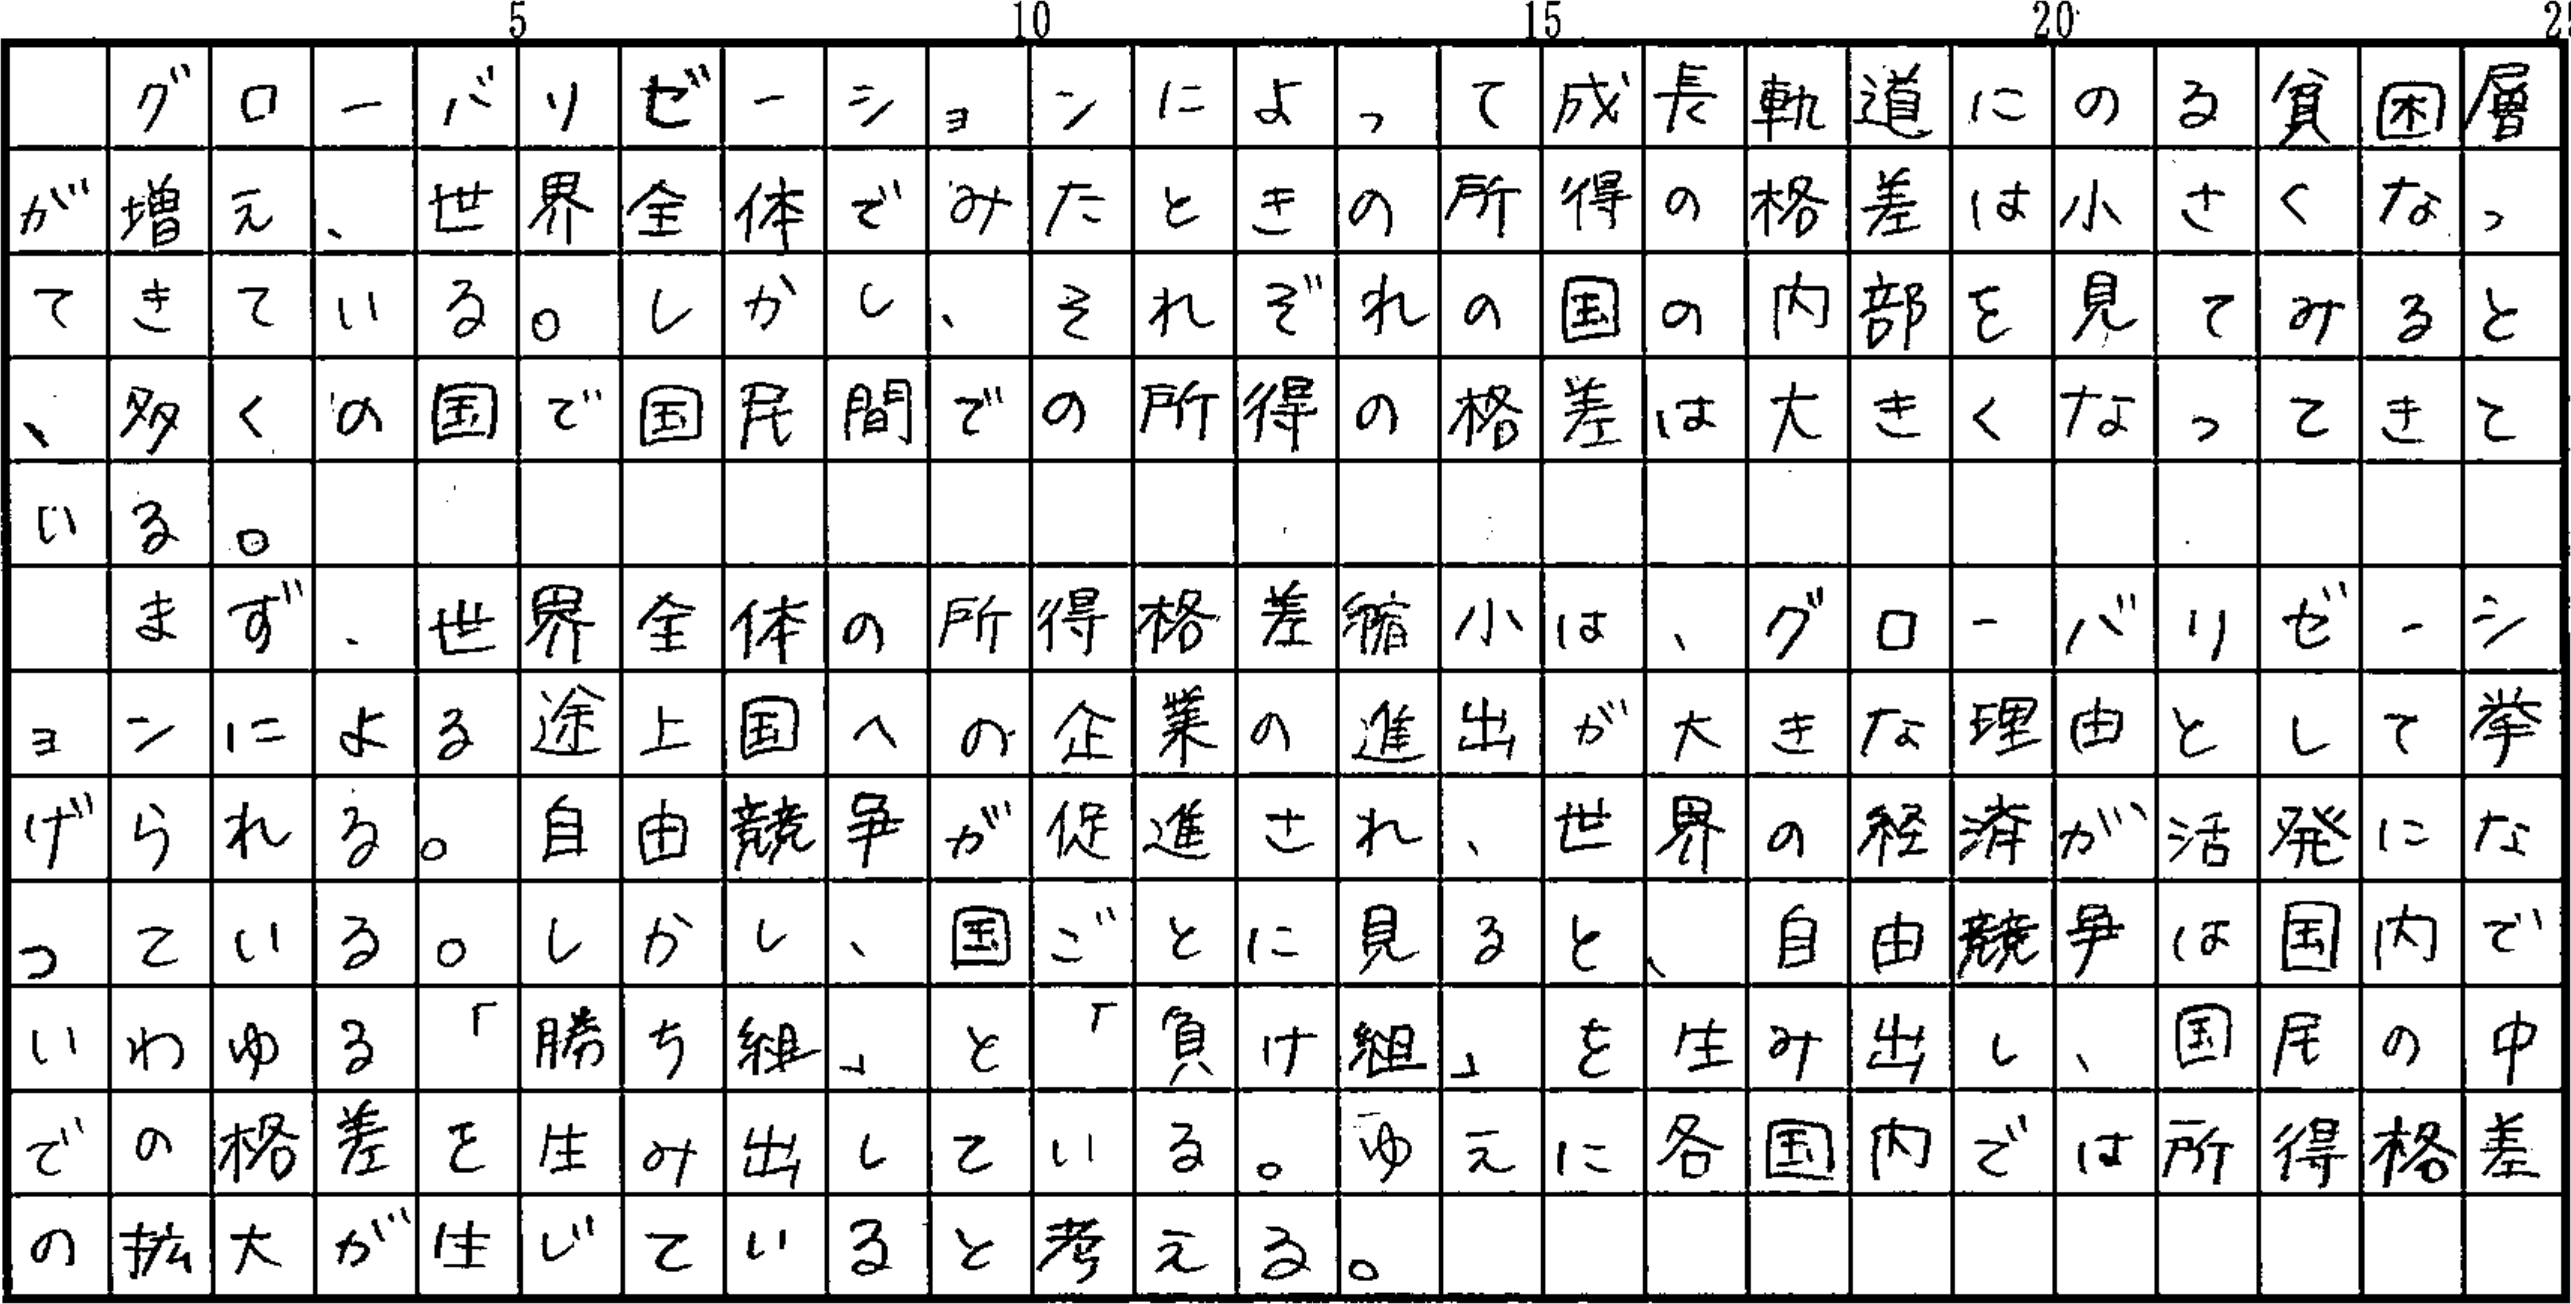　グローバリゼーションによって成長軌道にのる貧困層が増え、世界全体でみたときの所得の格差は小さくなってきている。しかし、それぞれの国の内部を見てみると、多くの国で国民間での所得の格差は大きくなってきている。
　まず、世界全体の所得格差縮小は、グローバリゼーションによる途上国への企業の進出が大きな理由として挙げられる。自由競争が促進され、世界の経済が活発になっている。しかし、国ごとに見ると、自由競争は国内でいわゆる「勝ち組」と「負け組」を生み出し、国民の中での格差を生み出している。ゆえに各国内では所得格差の拡大が生じていると考える。
